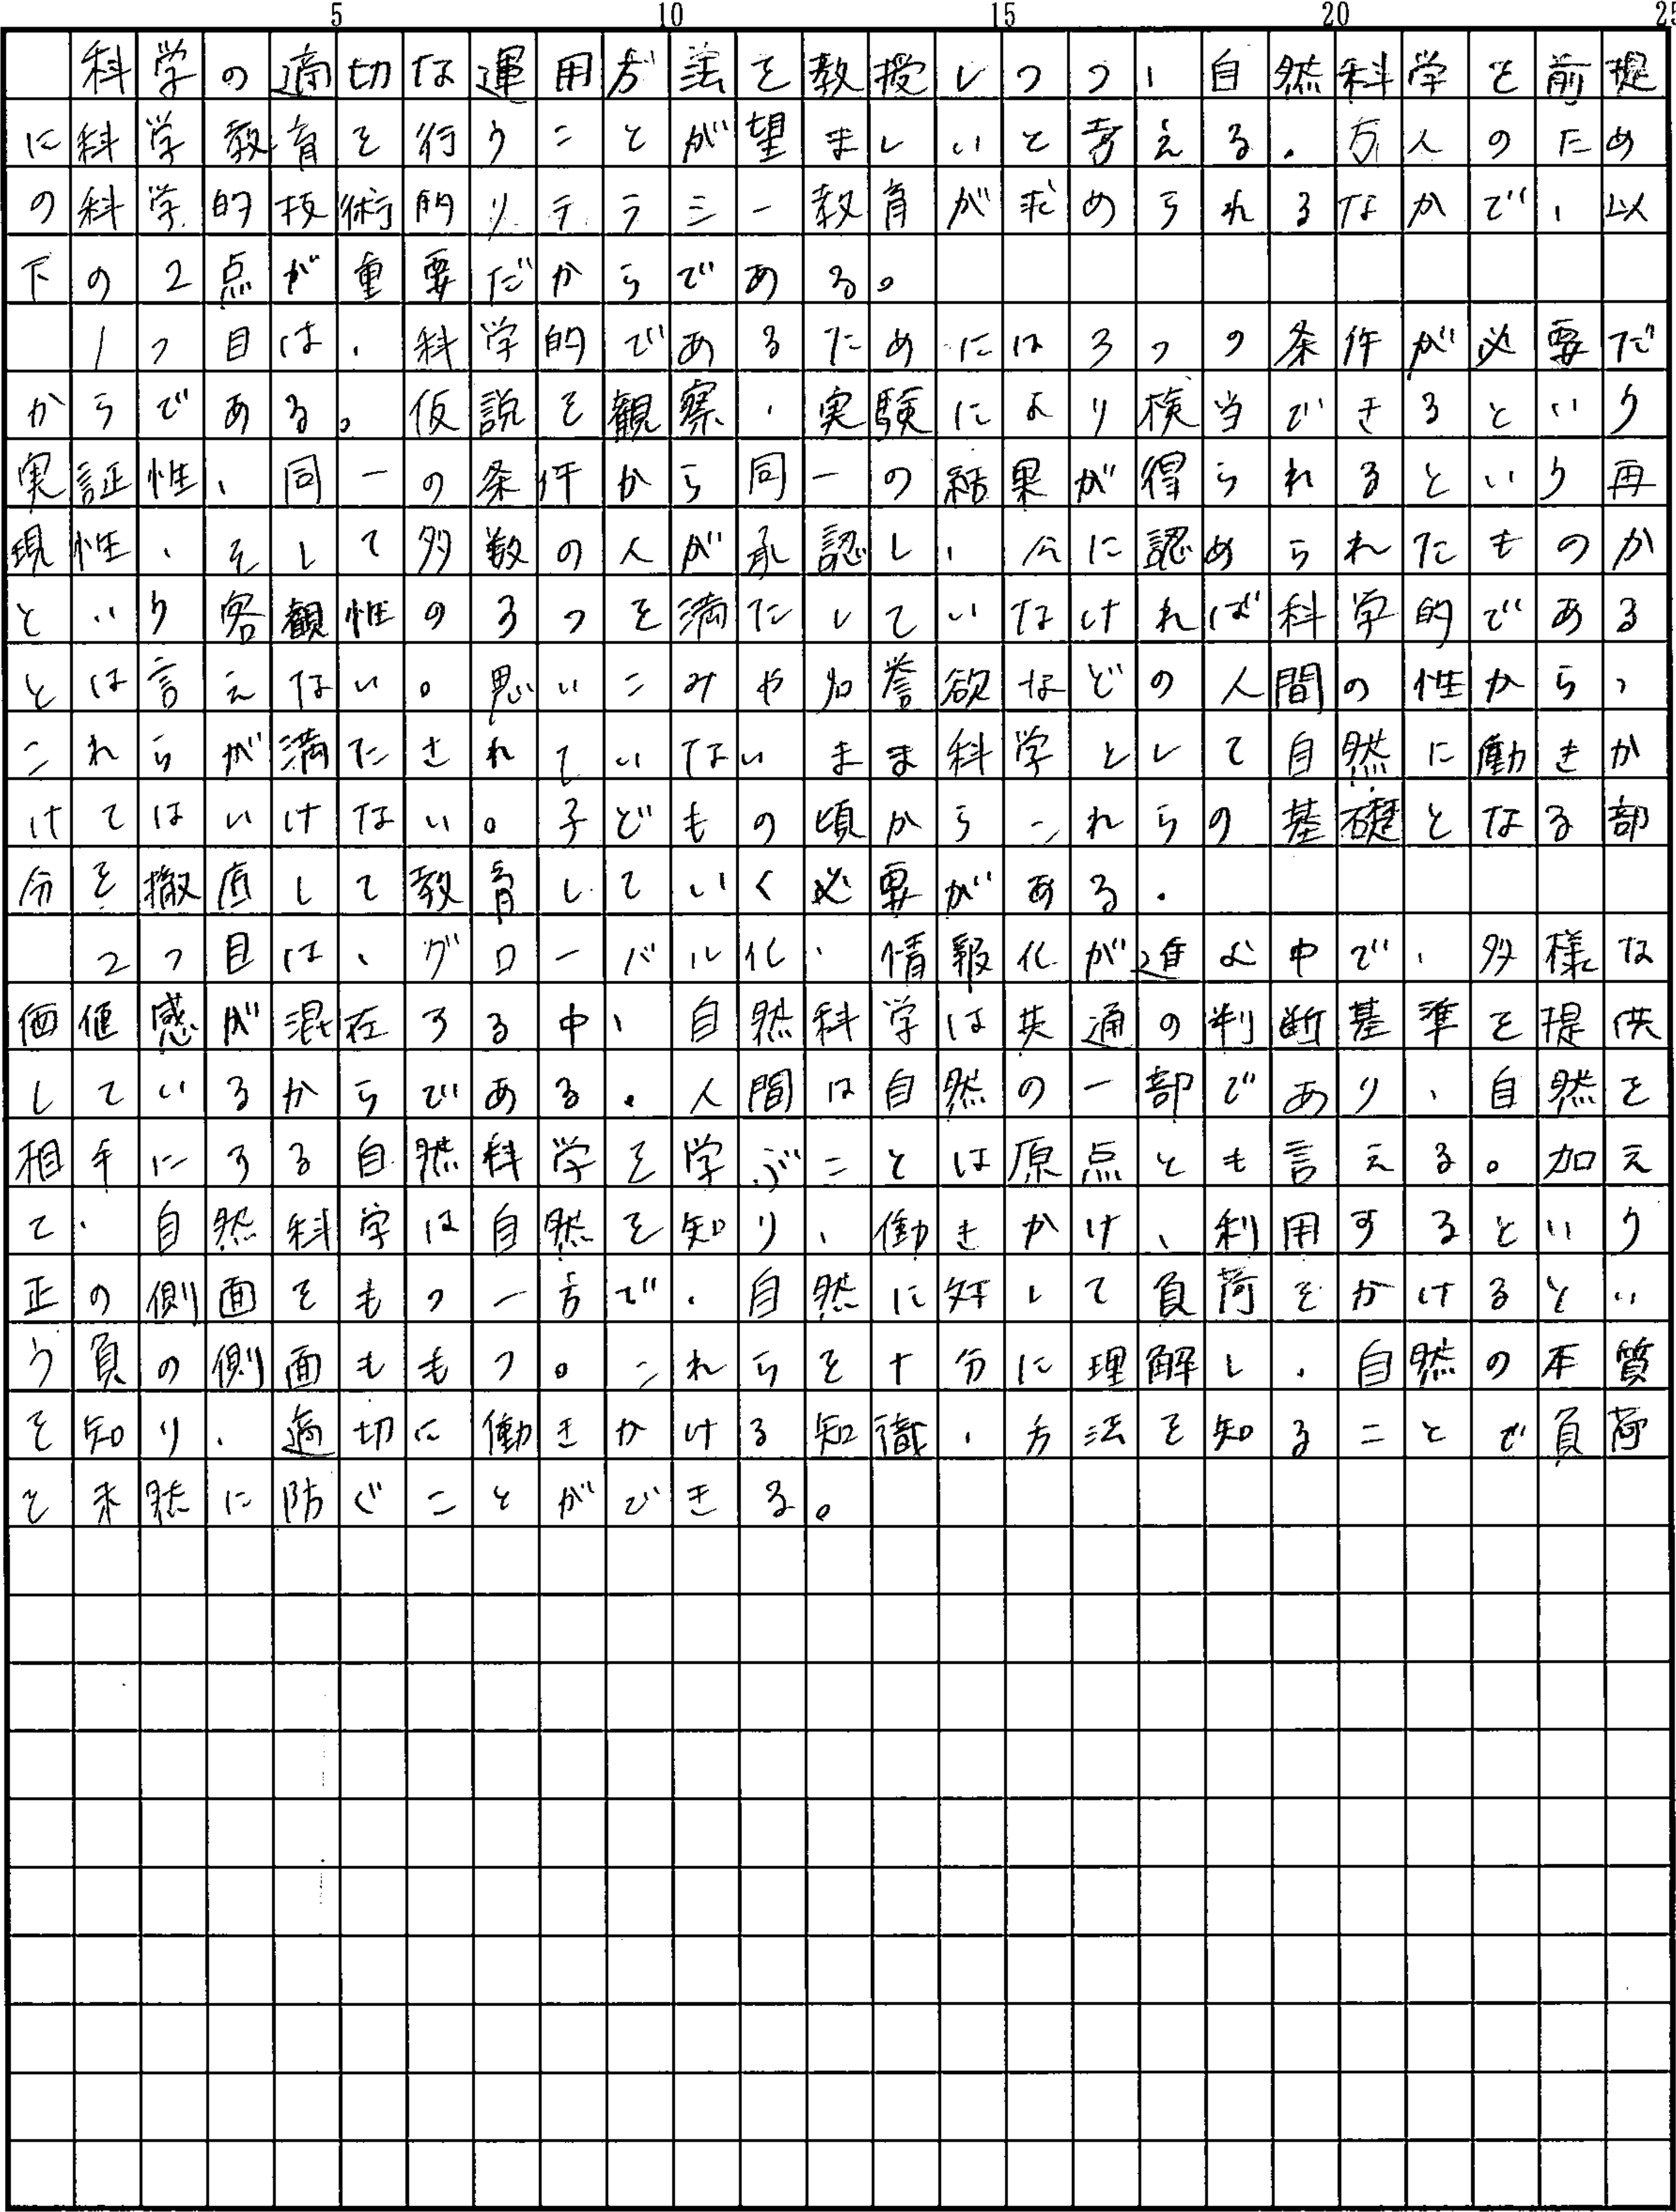　科学の適切な運用方法を教授しつつ、自然科学を前提に科学教育を行うことが望ましいと考える。万人のための科学的技術的リテラシー教育が求められるなかで、以下の２点が重要だからである。
　１つ目は、科学的であるためには３つの条件が必要だからである。仮説を観察・実験により検当できるという実証性、同一の条件から同一の結果が得られるという再現性、そして多数の人が承認し、公に認められたものかという客観性の３つを満たしていなければ科学的であるとは言えない。思いこみや名誉欲などの人間の性から、これらが満たされていないまま科学として自然に働きかけてはいけない。子どもの頃からこれらの基礎となる部分を撤底して教育していく必要がある。
　２つ目は、グローバル化、情報化が進む中で、多様な価値感が混在する中、自然科学は共通の判断基準を提供しているからである。人間は自然の一部であり、自然を相手にする自然科学を学ぶことは原点とも言える。加えて、自然科学は自然を知り、働きかけ、利用するという正の側面をもつ一方で、自然に対して負荷をかけるという負の側面ももつ。これらを十分に理解し、自然の本質を知り、適切に働きかける知識・方法を知ることで負荷を未然に防ぐことができる。
